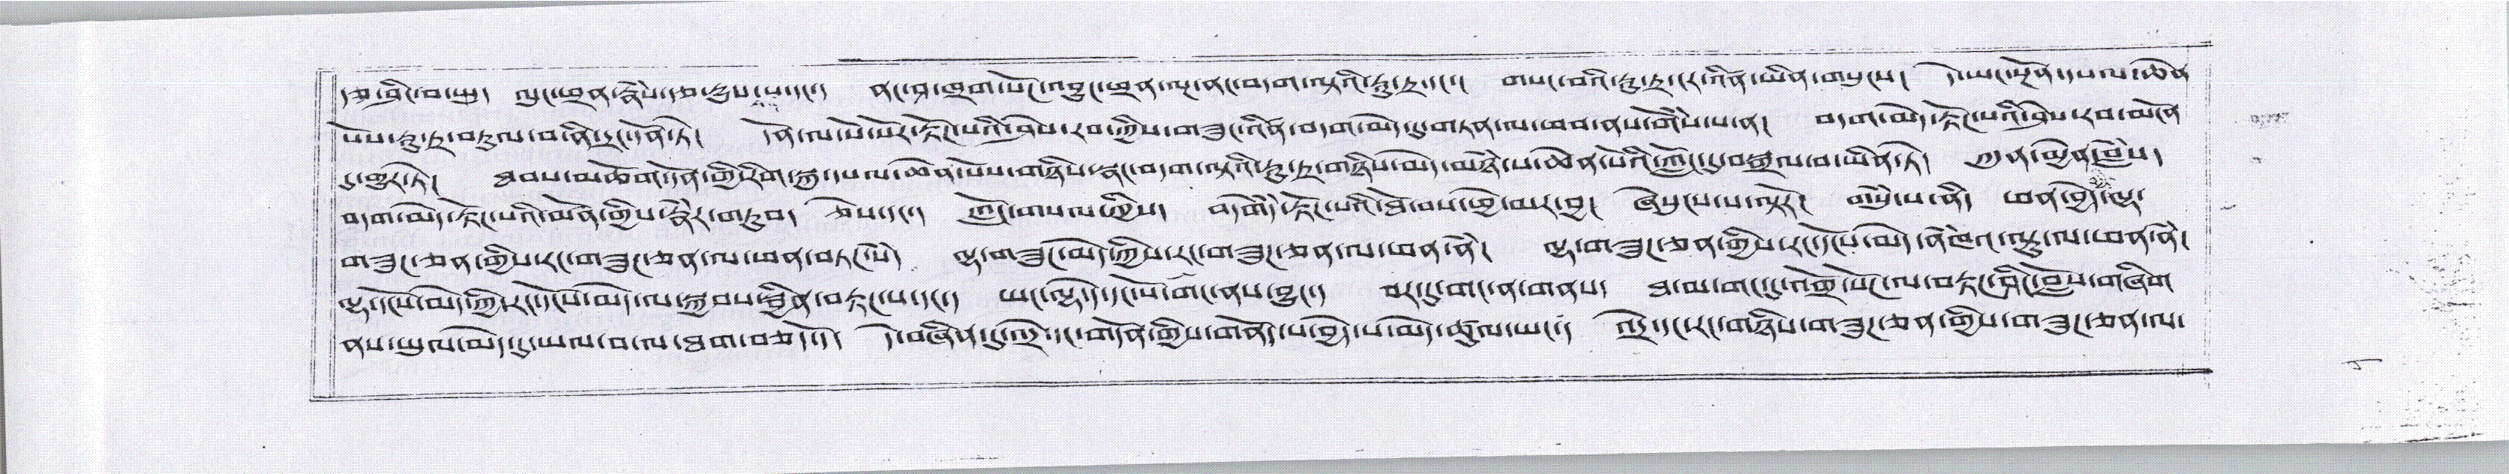རྩ་ཤིང་བ་སྤུ། ལུང་ཕྲན་རྣམས་རྩ་རྒྱུས་པ་དང་། ནང་ཤ་ཁྲག་སོགས་འབྱུང་ཆེན་ལྔ་ནང་བདག་ལྟའི་རུ་ཏྲ་དང་། གསང་བའི་རུ་ཏྲ་ངར་འཛིན་ཡིན་གསུངས། དེ་ཡང་སྔོན་དཔལ་ཆེན་
པོས་རུ་ཏྲ་བཏུལ་བ་ནི་དྲང་དོན་ཏེ། དོན་ལ་སོ་སོར་རྟོག་པའི་ཤེས་རབ་ཀྱིས་གཟུང་འཛིན་བདག་མེད་དུ་གཏན་ལ་ཕབ་ནས་གོམས་པ་ན་བདག་མེད་རྟོགས་པའི་ཤེས་རབ་མངོན་
དུ་གྱུར་ཏེ། ཐབས་མཆོག་དོན་གྱི་རིག་སྐུ་དཔལ་ཆེན་པོས་གཉིས་སྣང་བདག་ལྟའི་རུ་ཏྲ་གཉིས་མེད་མཉམ་པ་ཆེན་པོའི་ཀློང་དུ་བསྒྲལ་བ་ཡིན་ཏེ། ཀུན་མཁྱེན་བླ་མས། 
བདག་མེད་རྟོགས་པའི་མཚོན་གྱིས་རྣམ་པར་གཏུབ། ཅེས་དང་། ཀློང་གསལ་གྱིས། བདག་མེད་རྟོགས་པའི་ཐོ་བས་ཕྱེ་མར་བྱ། ཞེས་གསུངས་པ་ལྟར་རོ། ཕན་བྱེད་ཀྱི་ལྷ་
གཟུགས་ཅན་གྱིས་རང་གཟུགས་ཅན་ལ་ཕན་བཏགས་སམ། ལྷ་གཟུགས་མེད་ཀྱིས་རང་གཟུགས་ཅན་ལ་ཕན་ནམ། ལྷ་གཟུགས་ཅན་གྱིས་རང་དངོས་མེད་ནམ་མཁའ་ལྟ་བུ་ལ་ཕན་ནམ། 
ལྷ་དངོས་མེད་ཀྱིས་རང་དངོས་མེད་ལ་སྐྱབས་སྦྱིན་བརྟགས་པ་དང་། ཡང་ལྷ་དེ་དང་པོ་གང་ནས་བྱུང་། བར་དུ་གང་ན་གནས། ཐ་མ་གང་དུ་འགྲོ་སོགས་ལ་བརྟགས་ཤིང་བློས་གཞིགས་
ནས་ཡུལ་མེད་དུ་ཡལ་བ་ལ་ཐག་བཅད་དོ། དེ་བཞིན་དུ་འདྲེ་དང་གདོན་གྱིས་གནོད་པ་བྱེད་པ་མེད་ཚུལ་ཡང་། འདྲེ་དང་རང་གཉིས་གཟུགས་ཅན་གྱིས་གཟུགས་ཅན་ལ་